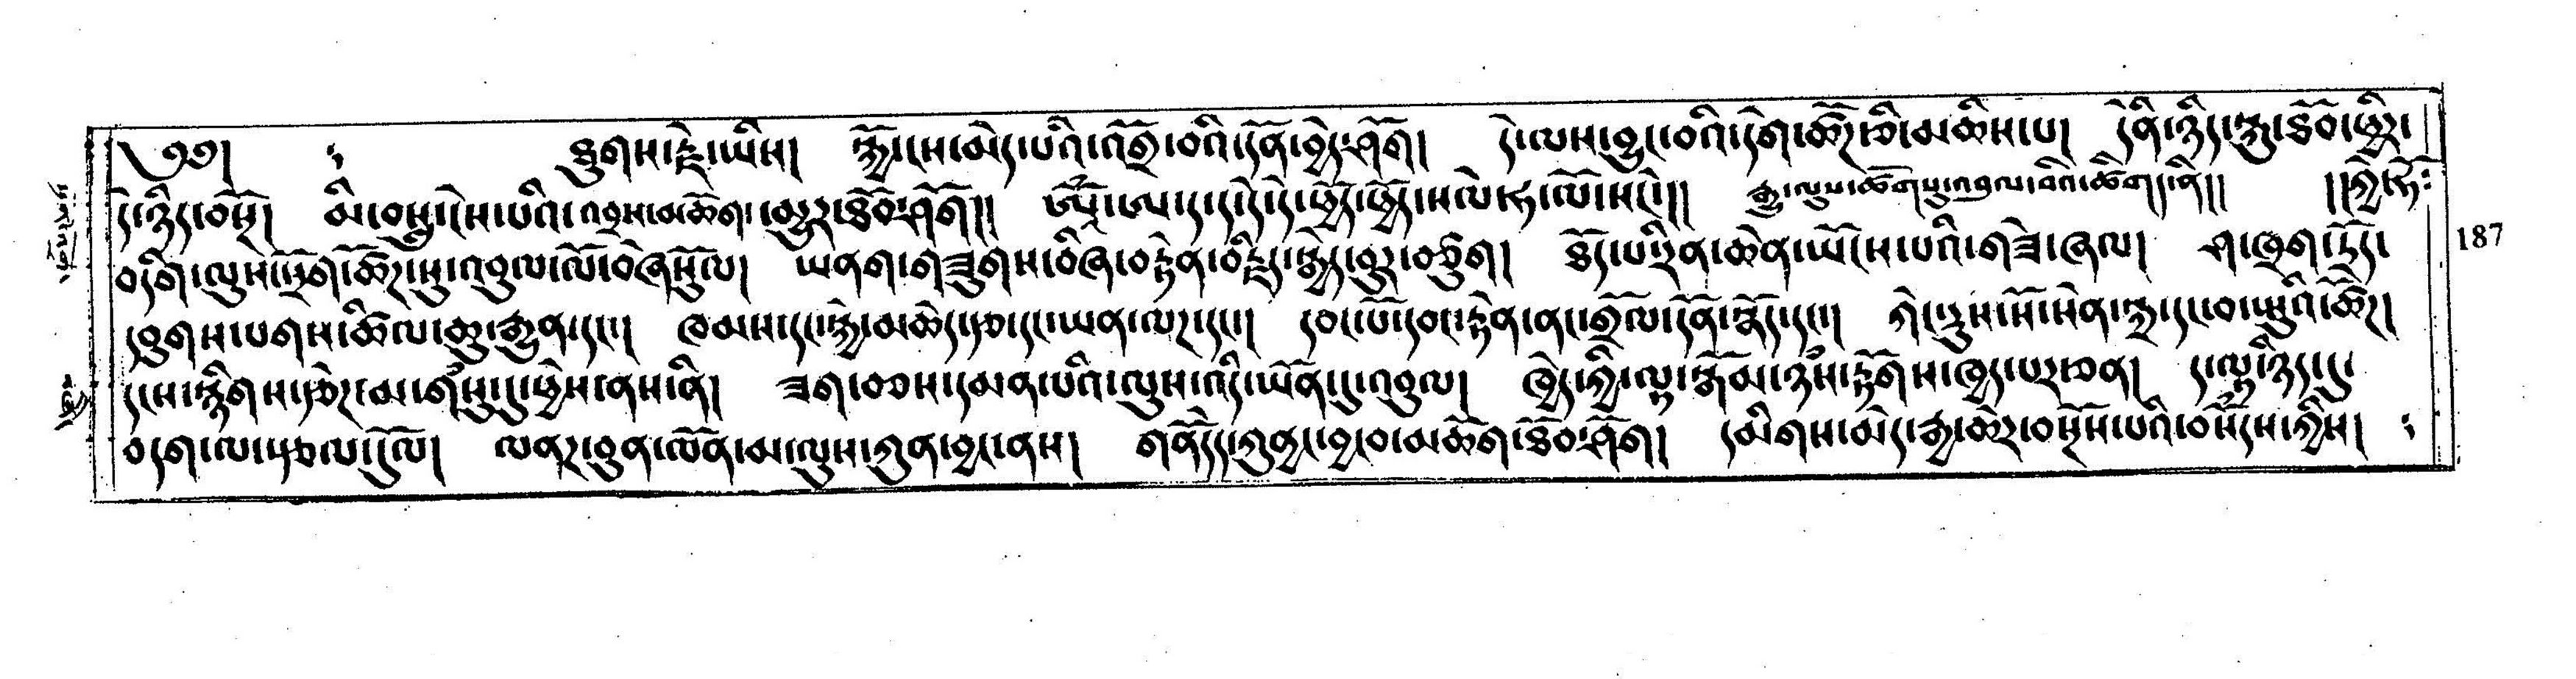ཐུགས་རྗེ་ཡིས། སྐྱོ་ངས་མེད་པའི་འགྲོ་བའི་དོན་བྱེད་ཤོག དེ་ལས་བྱུང་བའི་དགེ་ཚོགས་ཅི་མཆིས་པ། དེ་བཞིན་ཉིད་སྐུ་ཐོབ་ཕྱིར་
དེ་ཉིད་བསྔོ། མི་བསླུ་ངེས་པའི་འབྲས་མཆོག་མྱུར་ཐོབ་ཤོག །། ཨཱོཾ་ཨ་ད་ད་དེ་དེ་ཕྱོད་ཕྱོད་སལེ་ཧ་ལོ་སེང་།། རྒྱུ་ལུས་ཚོགས་སུ་འབུལ་བའི་ཚིག་བཤད་ནི།། །།ཀྱེ་ཧོ་
བདག་གི་ལུས་སྲོག་ཚོགས་སུ་འབུལ་ལོ་བཞེས་སུ་གསོལ། ཡན་ལག་གཟུགས་བཞི་བརྟེན་བརྗིད་སྒྱེད་བུར་བཙུག ཐོད་པ་རིན་ཆེན་ཡོངས་པའི་གཟེ་ཞལ། ཤ་ཁྲག་དྲོད་
དབུགས་པགས་ཚིལ་ཆུ་རྒྱུན་དང་། ཁམས་དང་སྐྱེ་མཆེད་རྩ་དང་ཡན་ལག་དང་། དབང་པོ་དབང་རྟེན་ནང་གྲོལ་དོན་སྣོད་དང་། ཀེང་རུས་སོ་སེན་སྐྲ་དང་བ་སྤུའི་ཚོགས། 
དངས་སྙིགས་རྩིགས་མ་གསུམ་དུ་ཕྱེས་ནས་ནི། ཟག་བཅས་དམན་པའི་ལུས་འདི་ཡོན་དུ་འབུལ། ཁྱེད་ཀྱི་ལྟ་སྒོམ་ཉམས་རྟོགས་ཁྱད་པར་ཅན། ད་ལྟ་ཉིད་དུ་
བདག་ལ་སྩལ་དུ་གསོལ། ལན་ཆགས་བུ་ལོན་མ་ལུས་ཀུན་བྱང་ནས། གནོད་བྱེད་ཀུན་བྱང་བྱང་ཆུབ་མཆོག་ཐོབ་ཤོག དམིགས་མེད་རྒྱ་ཆེར་བསྔོས་པའི་བསོད་ནམས་ཀྱིས།